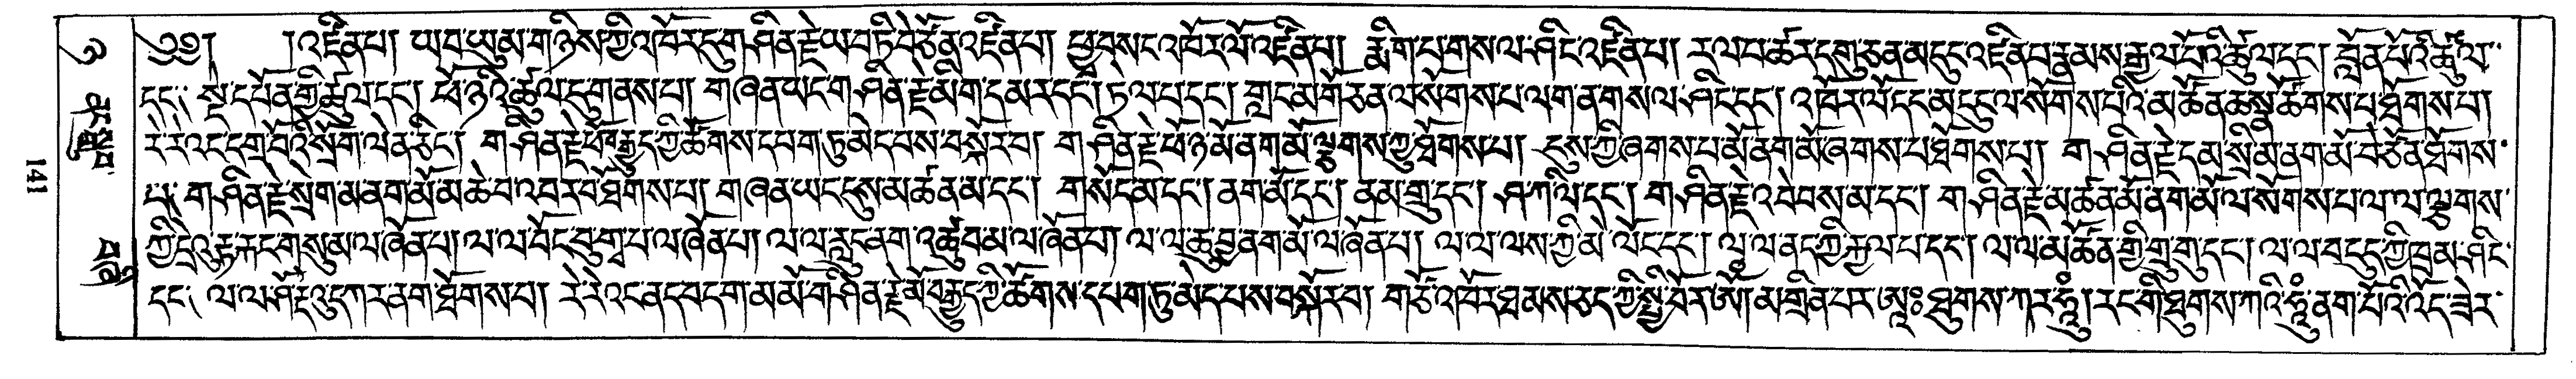༄༅། །འཛིན་པ། ཡབ་ཡུམ་གཉིས་ཀྱི་འཁོར་དུ་གཤིན་རྗེ་ཡབ་ཏི་བེ་ཅོན་འཛིན་པ། ཕྱ་བསང་འཁོར་ལོ་འཛིན་པ། རྨིག་པ་གསལ་ཤིང་འཛིན་པ། རལ་པ་ཚར་དགུ་ཅན་མདུང་འཛིན་པ་རྣམས་རྒྱལ་པོའི་ཚུལ་དང་། བློན་པོའི་ཚུལ་
དབ༑ སྡེ་དཔོན་གྱི་ཚུལ་དང་། ཕོ་ཉའི་ཚུལ་དུ་གནས་པ། གཞན་ཡང་གཤིན་རྗེ་མིག་དམར་དང་། ཏེལ་པ་དང་། གླང་མགོ་ཅན་ལ་སོགས་པ་ལག་ན་གསལ་ཤིང་དང་། འཁོར་ལོ་དང་མདུང་ལ་སོགས་པའི་མཚོན་ཆ་སྣ་ཚོགས་པ་ཐོགས་པ།
རེ་རེའང་དགྲ་བོའི་སྲོག་ལེན་ཅིང་། གཤིན་རྗེ་ཕོ་བརྒྱུད་ཀྱི་ཚོགས་དཔག་ཏུ་མེད་པས་བསྐོར་བ། གཤིན་རྗེ་ཕོ་ཉ་མོ་ནག་མོ་ལྕགས་ཀྱུ་ཐོགས་པ། དུས་ཀྱི་ཞགས་པ་མོ་ནག་མོ་ཞགས་པ་ཐོགས་པ། གཤིན་རྗེ་དམ་སྲི་མ་ནག་མོ་བེ་ཅོན་ཐོགས་
པ༑ གཤིན་རྗེ་སྲེག་མ་ནག་མོ་མཆེ་བ་འབར་བ་ཐོགས་པ། གཞན་ཡང་དུས་མཚན་མ་དང་། གསོད་མ་དང་། ནག་མོ་དང་། ནམ་གྲུ་དང་། ཤ་ཀ་ལི་དང་། གཤིན་རྗེ་འབེ་བས་མ་དང་། གཤིན་རྗེ་མཚན་མོ་ན་ག་མོ་ལ་སོགས་པ་ལ་ལྕགས་
ཀྱི་དྲེའུ་རྟ་རྐང་སུམ་ལ་ཞོན་པ། ལ་ལ་བོང་བུ་གྭ་པ་ལ་ཞོན་པ། ལ་ལ་རླུང་ནག་འཚུབ་མ་ལ་ཞོན་པ། ལ་ལ་ཆུ་བྱ་ནག་མོ་ལ་ཞོན་པ། ལ་ལ་ལས་ཀྱི་མེ་ལོང་དྣད། ལ་ལ་ནད་ཀྱི་རྒྱལ་པ་དང་། ལ་ལ་མཚོན་གྱི་གྲུ་གུ་དང་། ལ་ལ་བདུད་ཀྱི་ཁྲམ་ཤིང་
དང༑ ལ་ལ་ཤོ་རྡེའུ་དཀར་ནག་ཐོགས་པ། རེ་རེའང་ནད་བདག་མ་མོ་གཤིན་རྗེ་བརྒྱུད་ཀྱི་ཚོགས་དཔག་ཏུ་མེད་པས་བསྐོར་བ། གཙོ་འཁོར་ཐམས་ཅད་ཀྱི་སྦྱི་བོར་ཨོཾ། མགྲིན་པར་ཨཱཿ ཐུགས་ཀར་ཧཱུཾ། རང་གི་ཐུགས་ཀའི་ཧཱུཾ་ནག་པོའི་འོད་ཟེར་